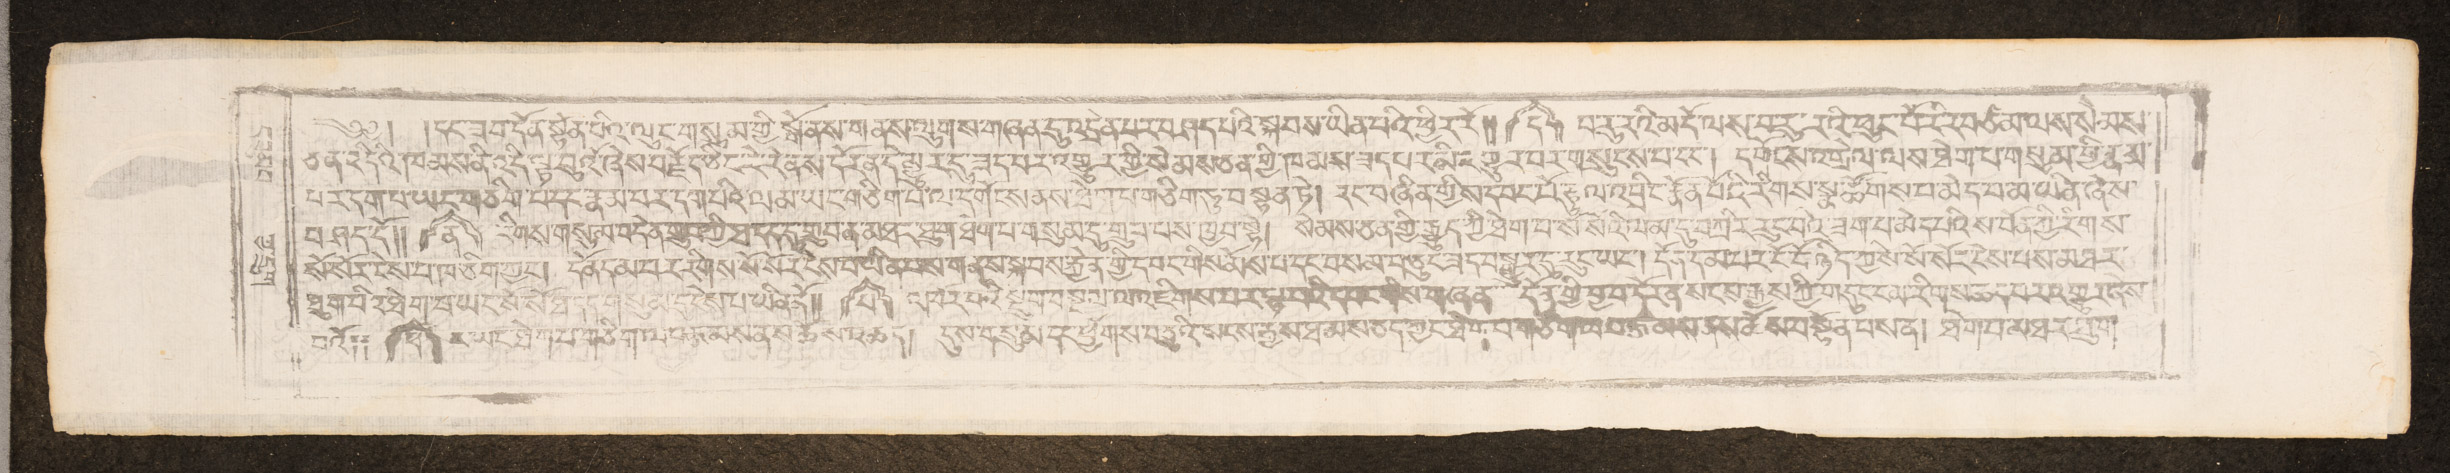༄༅། །དང་ཟབ་དོན་སྟོན་པའི་ལུང་གསུམ་གྱི་སྒོ་ནས་གནས་ལུགས་གཞན་དུ་འདྲེན་པར་བཤད་པའི་སྐབས་ཡིན་པའི་ཕྱིར་རོ།། ༼༽ད༼༽ བ་རུ་རའི་མདོ་ལས་བ་རུ་རའི་ཕུང་པོ་རི་རབ་ཙམ་ལས་སེམས་
ཅན་འདིའི་ཁམས་ནི་འདི་ལྟ་བུའོ་ཞེས་བརྗོད་ཅིང་རེ་རེ་ནས་དོར་ན་དེ་མྱུར་དུ་ཟད་པར་འགྱུར་གྱི་སེམས་ཅན་གྱི་ཁམས་ཟད་པར་མི་འགྱུར་པར་གསུངས་པ་དང་། དགོངས་འགྲེལ་ལས་ཐེག་པ་གསུམ་གྱི་རྣམ་
པར་དག་པ་ཡང་གཅིག་པ་དང་རྣམ་པར་དག་པའི་ལམ་ཡང་གཅིག་པ་ལ་དགོངས་ནས་ཐེག་པ་གཅིག་ཏུ་བསྟན་ཏེ། རང་བཞིན་གྱིས་དབང་པོ་རྟུལ་འབྲིང་རྣོན་པོའི་རིགས་སྣ་ཚོགས་པ་མེད་པ་མ་ཡིན་ཞེས་
བཤད་དོ།། ༼༽ན༼༽ རིགས་གསུམ་བདེན་གྲུབ་ཀྱི་ཐ་དད་དུ་གྲུབ་ན་མཐར་ཐུག་ཐེག་པ་གསུམ་དུ་གྲུབ་པས་ཁྱབ་སྟེ། སེམས་ཅན་གྱི་རྒྱུད་ཀྱི་ཐེག་པ་སོ་སོའི་ལམ་དུ་བཀྲིར་རུང་བའི་ཟག་པ་མེད་པའི་ས་བོན་ཀྱི་རིགས་
སོ་སོར་ངེས་པ་ཁ་ཅིག་ཀྱང་། དོན་དམ་པར་རིགས་སོ་སོར་ངེས་པ་ཡིན་པས་གནས་སྐབས་རྐྱེན་གྱི་དབང་གིས་མོས་པ་དང་བསམ་པ་ཅུང་ཟད་བསྒྱུར་དུ་རུང་ཡང་། དོན་དམ་པར་ངོ་བོ་ཉིད་ཀྱིས་སོ་སོར་ངེས་པས་མཐར་
ཐུག་པའི་ཐེག་པ་ཡང་སོ་སོ་ཐ་དད་གསུམ་དུ་ངེས་པ་ཡིན་ནོ།། ༼༽པ༼༽ འཁོར་བའི་སྡུག་བསྔལ་ལ་འཇིགས་པར་ལྟ་བའི་དབང་གིས་གཞན་དོན་གྱི་བྱ་བ་དོར་ན་སངས་རྒྱས་ཀྱི་གདུང་ངམ་རིགས་ཆད་པར་འགྱུར་ཞེས་
པའོ༑༑ ག༼༽ ང་ཡང་ཐེག་པ་གཅིག་ལ་བརྩམས་ནས་ཆོས་འཆད། དུས་གསུམ་དང་ཕྱོགས་ཅུའི་སངས་རྒྱས་ཐམས་ཅད་ཀྱང་ཐེག་པ་གཅིག་ལ་བརྩམས་ནས་ཆོས་བསྟོན་པས་ན། ཐེག་པ་མཐར་ཐུག་